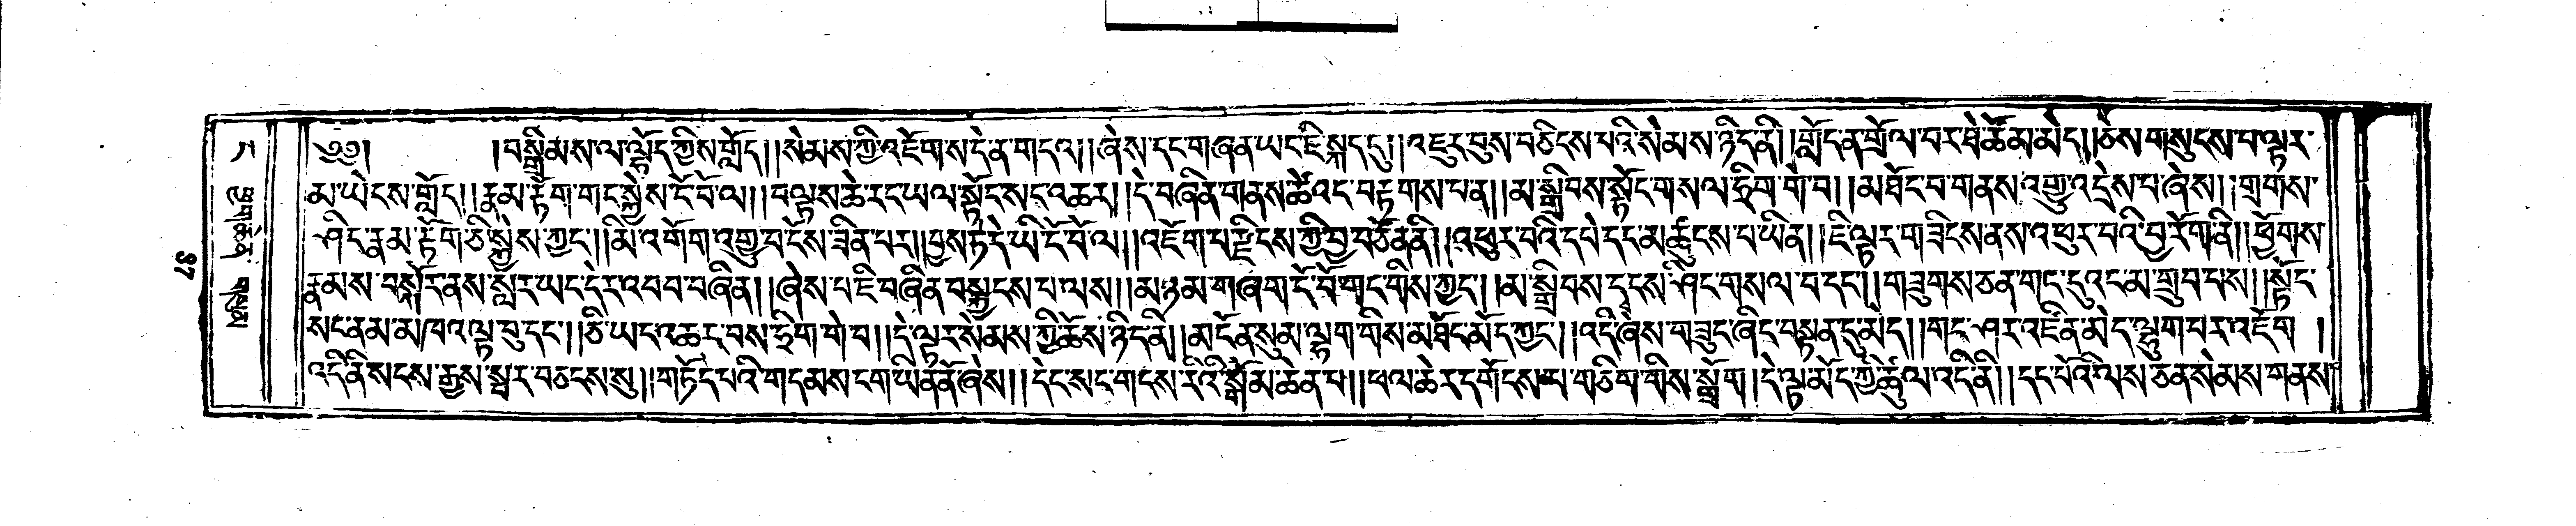༄༅། །བསྒྲིམས་ལ་ལྷོད་ཀྱིས་གློད། །སེམས་ཀྱི་འཇོག་ས་དེ་ན་གདའ། །ཞེས་དང་གཞན་ཡང་ཇི་སྐད་དུ། །འཇུར་བུས་བཅིངས་པའི་སེམས་ཉིད་ནི། །གློང་ན་གྲོལ་བར་ཐེ་ཚོམ་མེད། །ཅེས་གསུངས་པ་ལྟར་
མ་ཡེངས་གློད། །རྣམ་རྟོག་གང་སྐྱེས་ངོ་བོ་ལ། །བལྟས་ཆེ་རང་ཡལ་སྟོང་སང་འཆར། །དེ་བཞིན་གནས་ཚེའང་བརྟགས་པ་ན། །མ་སྒྲིབས་སྟོང་གསལ་ཧྲིག་གེ་བ། །མཐོང་བ་གནས་འགྱུ་འདྲེས་པ་ཞེས། །གྲགས་
ཤིང་རྣམ་རྟོག་ཅི་སྐྱེས་ཀྱང་། །མི་འགོག་འགྱུ་བ་ངོས་ཟིན་པར། །བྱས་ཏེ་དེ་ཡི་ངོ་བོ་ལ། །འཇོག་པ་རྫིངས་ཀྱི་བྱ་བཙོན་ནི། །འཕུར་བའི་དཔེ་དང་མཚུངས་པ་ཡིན། །ཇི་ལྟར་གཟིངས་ནས་འཕུར་བའི་བྱ་རོག་ནི། །ཕྱོགས་
རྣམས་བསྐོར་ནས་སླར་ཡང་དེར་འབབ་བཞིན། །ཞེས་པ་ཇི་བཞིན་བསྐྱངས་པ་ལས། །མཉམ་གཞག་ངོ་བོ་གང་གིས་ཀྱང་། །མ་སྒྲིབས་དྭངས་ཤིང་གསལ་བ་དང་། །གཟུགས་ཅན་གང་དུའང་མ་གྲུབ་པས། །སྟོང་
སང་ནམ་མཁའ་ལྟ་བུ་དང་། །ཅི་ཡང་འཆར་བས་ཧྲིག་གེ་བ། །དེ་ལྟར་སེམས་ཀྱི་ཆོས་ཉིད་ནི། །མངོན་སུམ་ལྷག་གིས་མཐོང་མོད་ཀྱང་། །འདི་ཞེས་གཟུང་ཞིང་བསྟན་དུ་མེད། །གང་ཤར་འཛིན་མེད་ལྷུག་པར་འཇོག །
འདི་ནི་སངས་རྒྱས་སྦར་བཅངས་སུ། །གཏོད་པའི་གདམས་ངག་ཡིན་ནོ་ཞེས། །དེང་སང་གངས་རིའི་སྒོམ་ཆེན་པ། །ཕལ་ཆེར་དགོངས་པ་གཅིག་གིས་སྒྲོག །དེ་ལྟ་མོད་ཀྱི་ཚུལ་འདི་ནི། །དང་པོའི་ལས་ཅན་སེམས་གནས་